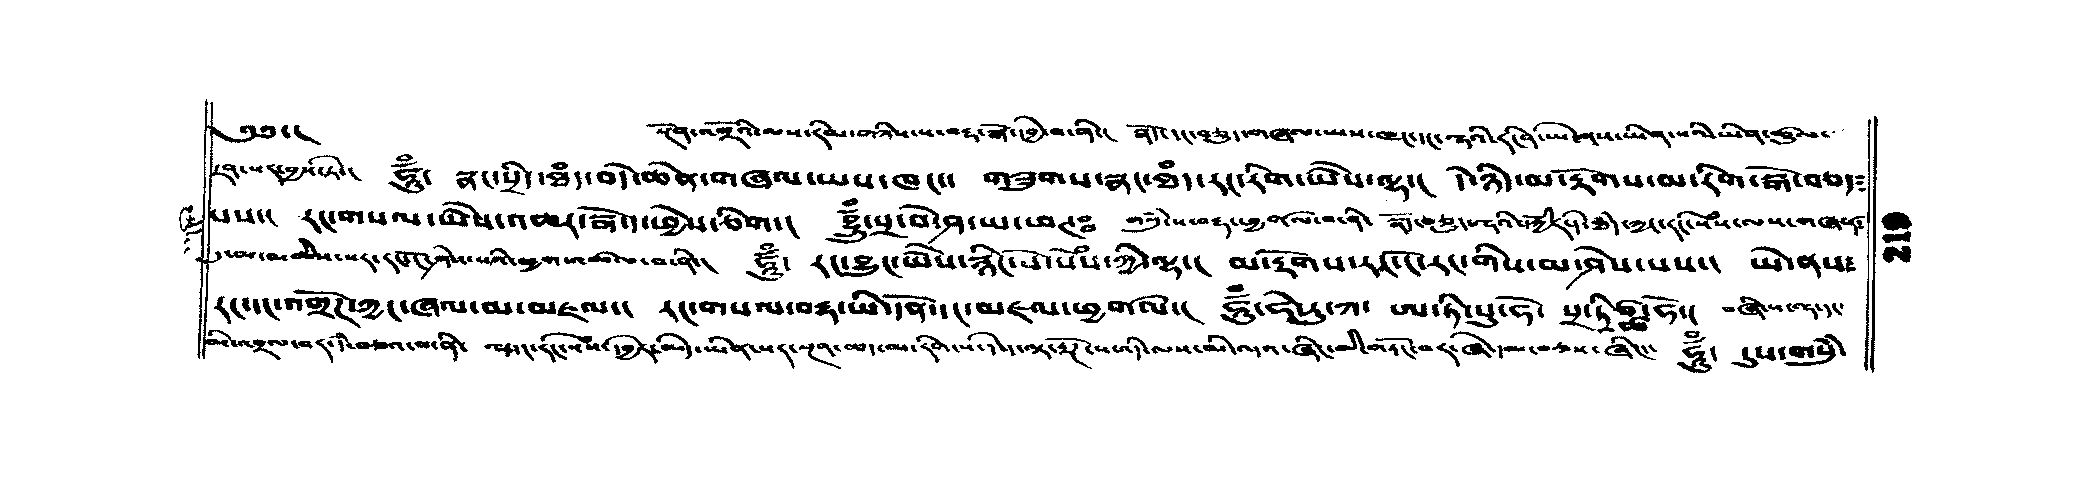སྔོན་འགྲོའི་ལས་རིམ་གཉིས་པ་བརྡ་སྒོ་དབྱེ་བ་ནི། སྣོད་དང་བཅུད་གཞལ་ཡས་ཁང་དང་ལྷའི་རང་བཞིན་ཡེ་ནས་ཡིན་པའི་ཚུལ་
དྲན་པར་བྱས་ཏེ། ཧཱུྃ། སྣང་སྲིད་ཐམས་ཅད་བདེ་ཆེན་གཞལ་ཡས་ཁང་། །གཟུགས་སྣང་ཐམས་ཅད་རང་རིག་ཡེ་ཤེས་ལྷ། །དེ་ཉིད་མ་རྟོགས་མ་རིག་སྒོ་བཅད་
པས། རང་གསལ་ཡེ་ཤེས་འཆར་སྒོ་ད་ཕྱེས་ཤིག་བྷྲུྃ་པྲ་བེ་ཤ་ཡ་ཕཊཿ གསུམ་པ་བརྡ་ཕྱག་འཚལ་བ་ནི། སྣོད་བཅུད་ལྷའི་དཀྱིལ་འཁོར་དེ་ཐམས་ཅད་ཀྱང་རང་སེམས་ལས་གཞན་
སུ་མ་ཡིན་པར་རང་ངོ་ཤེས་པའི་ཕྱག་འཚལ་བ་ནི། ཧཱུྃ། རང་བྱུང་ཡེ་ཤེས་སྙིང་པོ་སེམས་ཀྱི་ལྷ། །མ་རྟོགས་རང་ངོ་རང་གིས་མ་ཤེས་པས། །ཡེ་ནས་
རང་དང་འགྲོགས་ཀྱང་ཞལ་མ་མཇལ། །རང་གསལ་བརྡ་ཡི་དོན་དང་མཇལ་ཕྱག་འཚལ།ཧཱུྃ་ཧེ་རུ་ཀ། ཨ་ཏི་པུ་ཧོ། པྲ་ཏཱི་ཙྪ་ཧོ། བཞི་པ་ལྷ་དང་
མི་འབྲལ་བར་དམ་བཅའ་བ་ནི། ལྷ་དང་རང་སེམས་དབྱེར་མེད་ཡིན་པར་སྔོན་ཆད་མ་རིག་པ་དེ་ད་ལྟ་རྟོགས་པ་འདི་ལས་མི་འདའ་ཞིང་མི་གཏོང་བར་ཞེས་དམ་བཅས་ཞིང་། ཧཱུྃ། དུས་གསུམ་